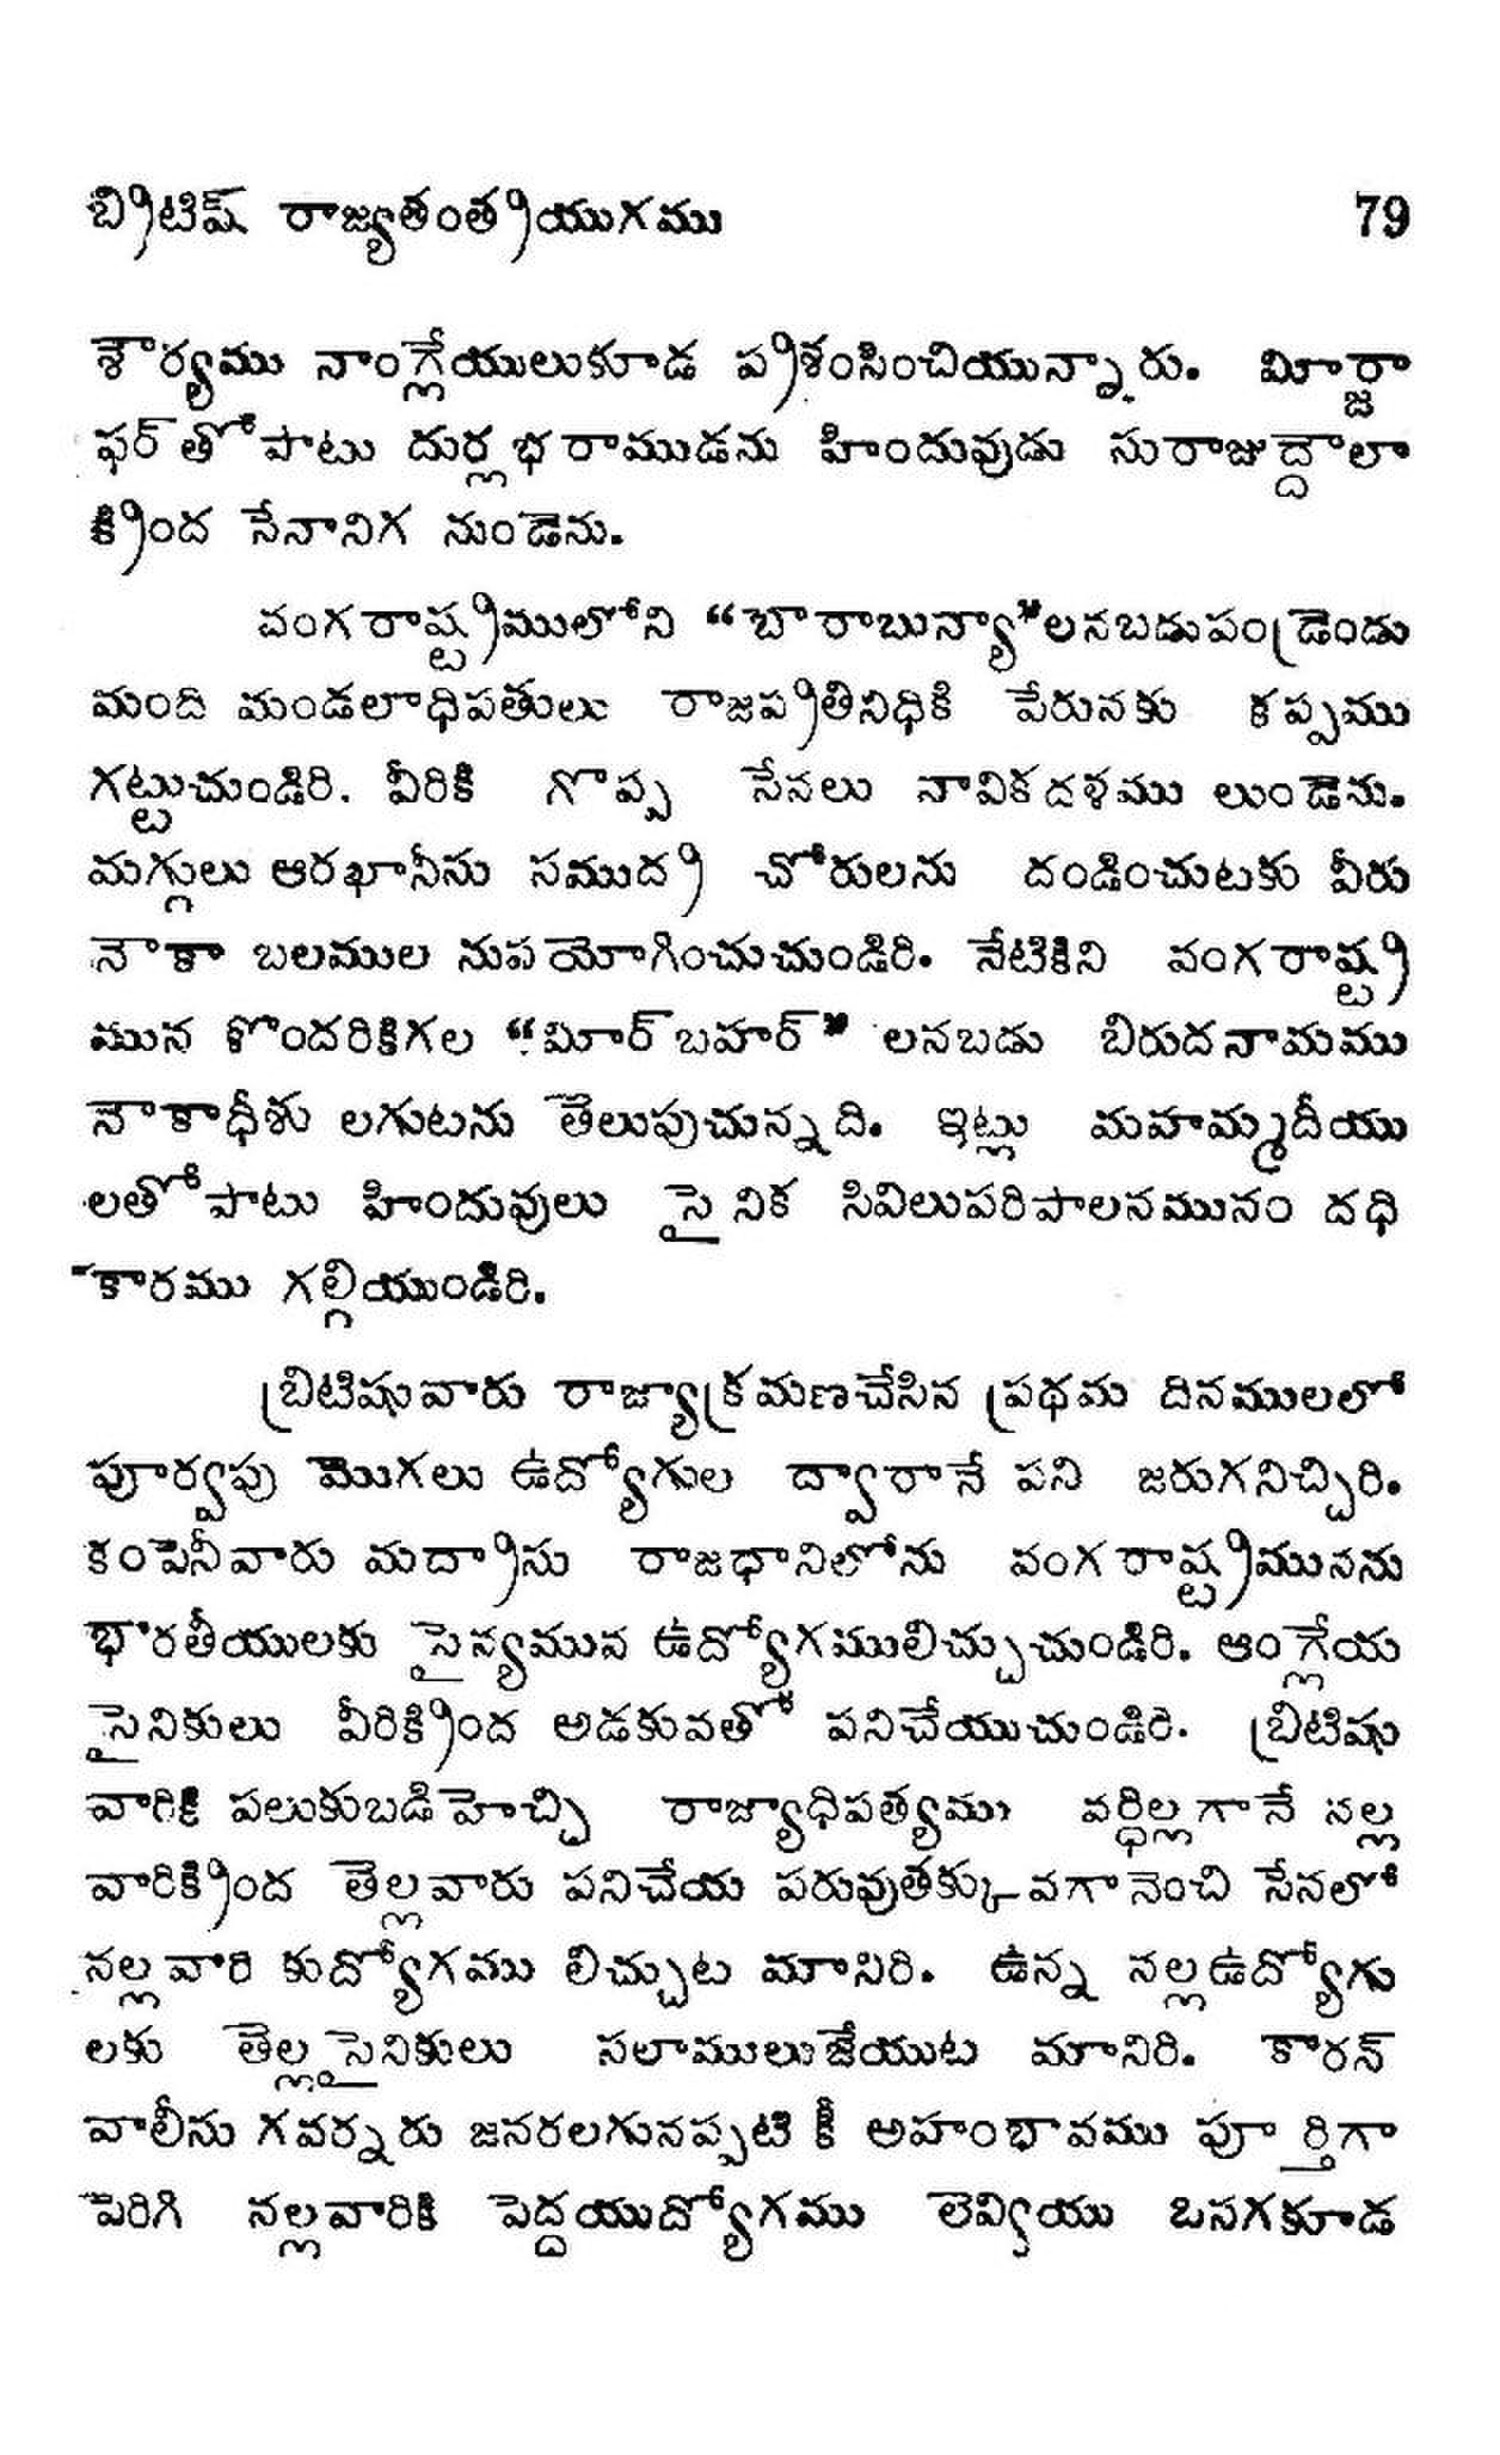శౌర్యము నాంగ్లేయులుకూడ ప్రశంసించియున్నారు. మీర్జాఫర్‌తోపాటు దుర్లభరాముడను హిందువుడు సురాజుద్దౌలా క్రింద నేనానిగ నుండెను.

వంగరాష్ట్రములోని “బారాబున్యా" లనబడు పండ్రెండుమంది మండలాధిపతులు రాజప్రతినిధికి పేరునకు కప్పము గట్టుచుండిరి. వీరికి గొప్ప సేనలు నావికదళము లుండెను. మగ్గులు ఆరఖానీను సముద్ర చోరులను దండించుటకు వీరు నౌకా బలముల నుపయోగించుచుండిరి. నేటికిని వంగరాష్ట్రమున కొందరికిగల "మీర్ బహర్ " లనబడు బిరుదనామము నౌకాధీశు లగుటను తెలుపుచున్నది. ఇట్లు మహమ్మదీయులతోపాటు హిందువులు సైనిక సివిలుపరిపాలనమునం దధికారము గల్గియుండిరి.

బ్రిటిషువారు రాజ్యాక్రమణ చేసిన ప్రథమ దినములలో పూర్వపు మొగలు ఉద్యోగుల ద్వారానే పని జరుగనిచ్చిరి. కంపెనీవారు మద్రాసు రాజధానిలోను వంగ రాష్ట్రమునను భారతీయులకు సైన్యమున ఉద్యోగములిచ్చుచుండిరి. ఆంగ్లేయ సైనికులు వీరిక్రింద అడకువతో పనిచేయుచుండిరి. బ్రిటిషువారికి పలుకుబడిహెచ్చి రాజ్యాధిపత్యము వర్ధిల్లగానే నల్లవారిక్రింద తెల్లవారు పనిచేయ పరువుతక్కువగా నెంచి సేనలో నల్లవారి కుద్యోగము లిచ్చుట మాసిరి. ఉన్న నల్లఉద్యోగులకు తెల్లసైనికులు సలాములుజేయుట మానిరి. కారన్ వాలీను గవర్నరు జనరలగునప్పటి కీ అహంభావము పూర్తిగా పెరిగి నల్లవారికి పెద్దయుద్యోగము లెవ్వియు ఒసగకూడ